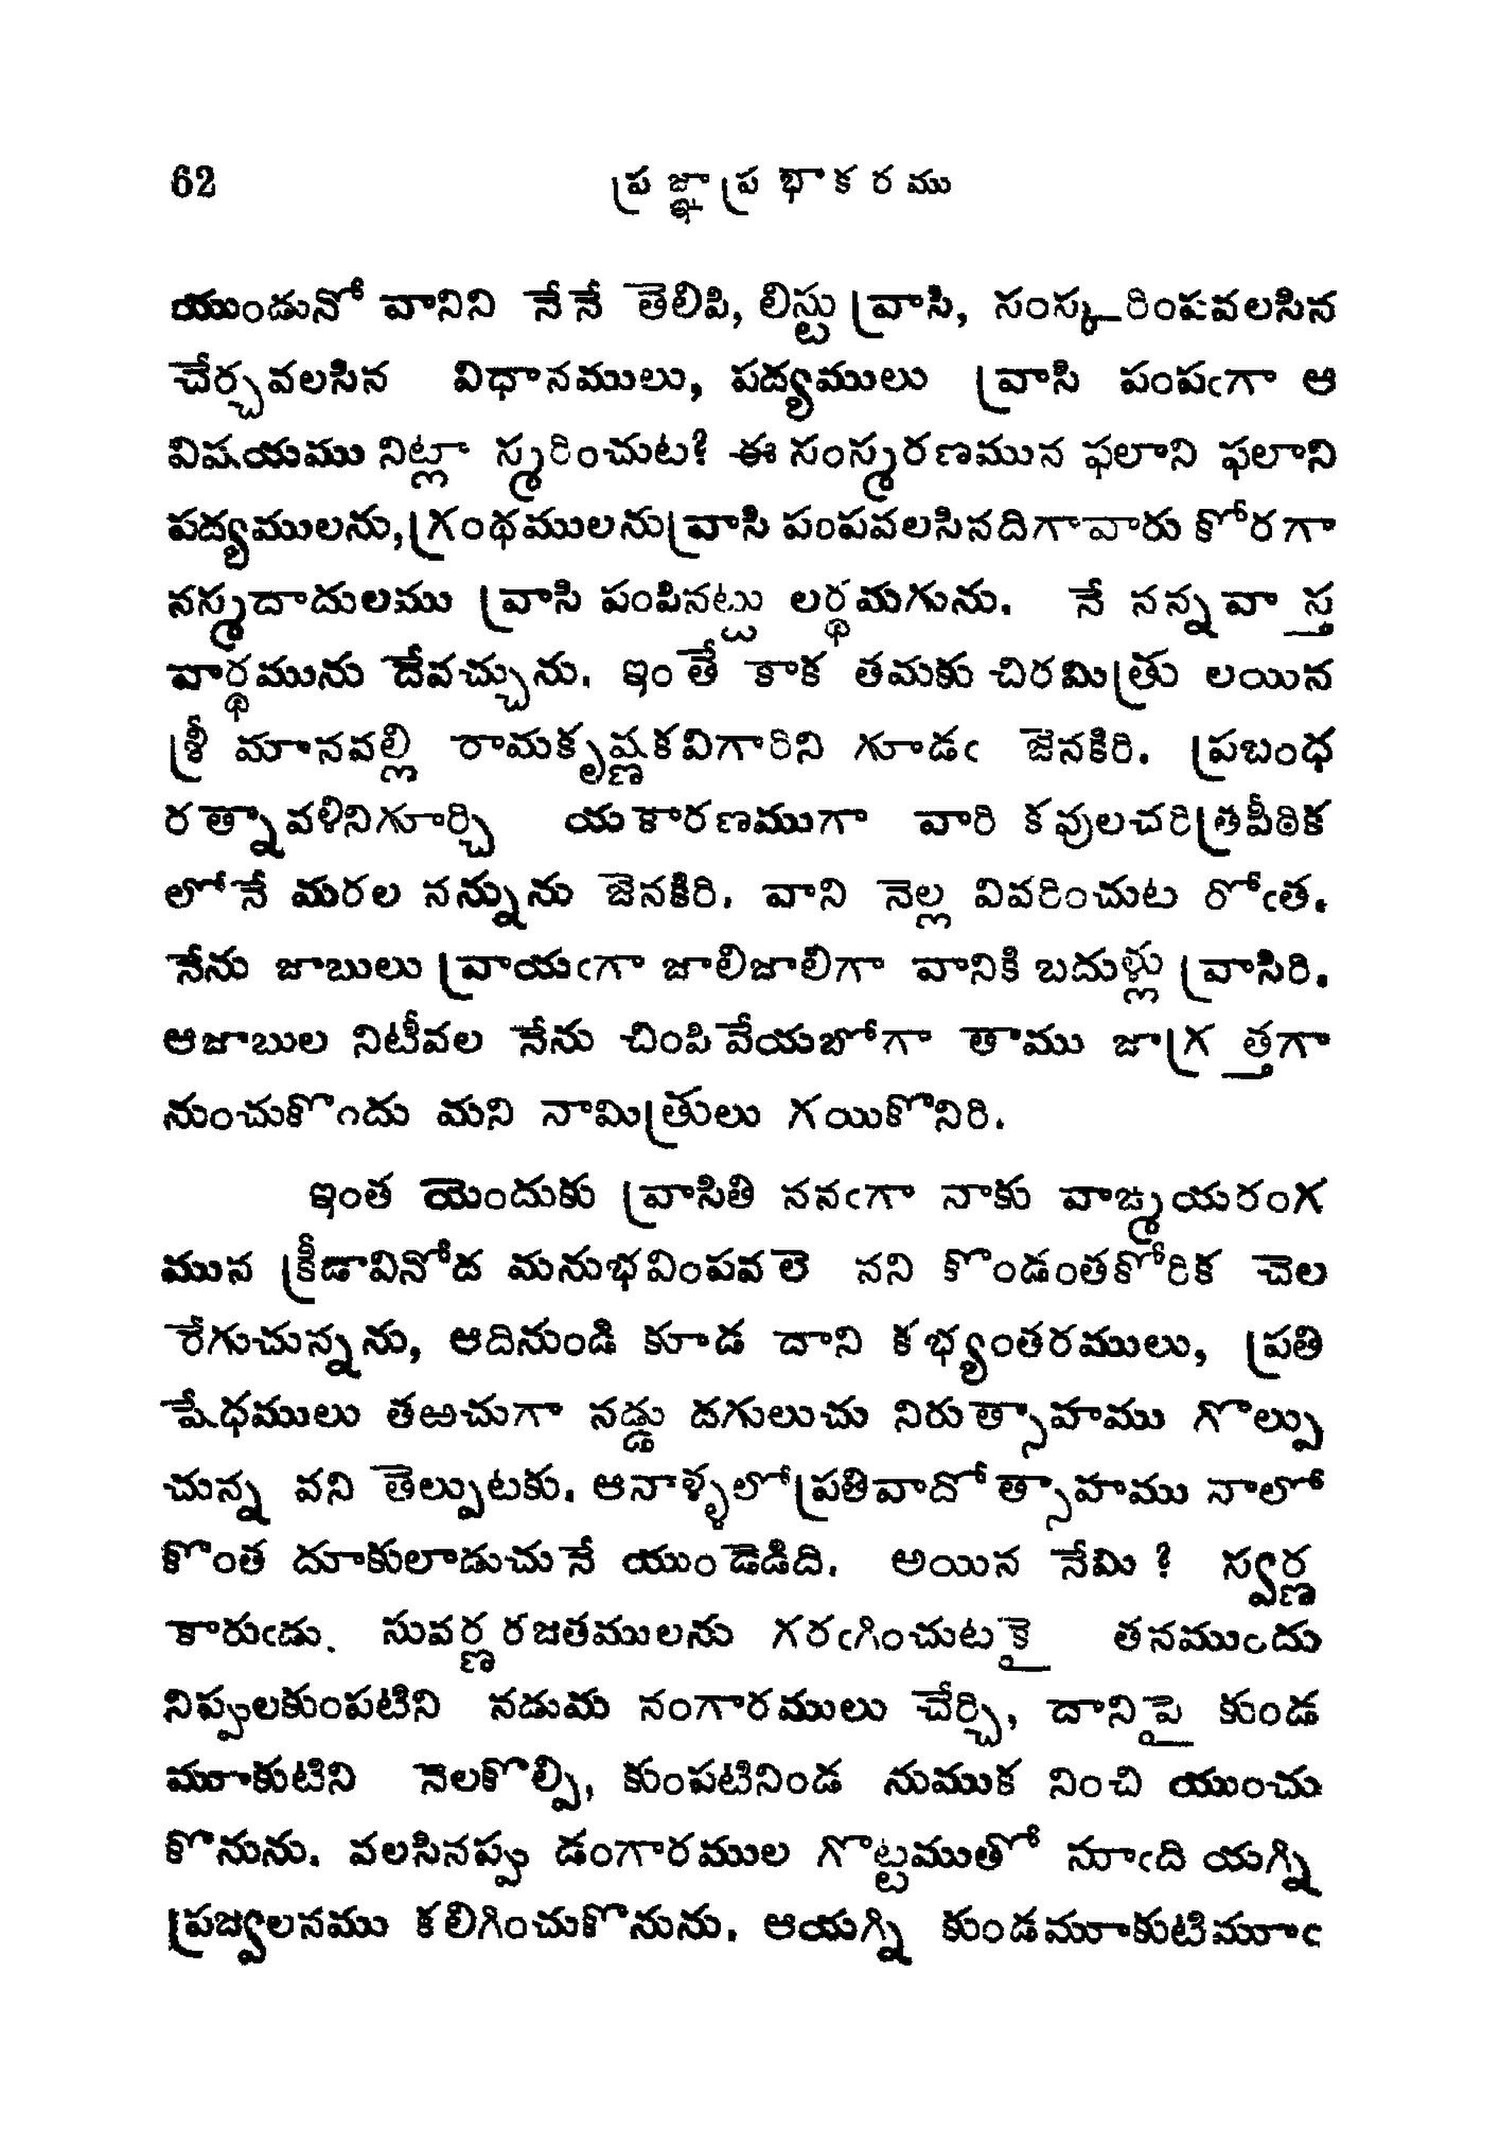యుండునో వానిని నేనే తెలిసి, లిస్టు వ్రాసి, సంస్కరింప వలసిన చేర్చ వలసిన విధానములు, పద్యములు వ్రాసి పంపఁ గా ఆ విషయము నిట్లా స్మరించుట? సంస్మరణమున ఫలాని ఫలాని పద్యములను, గ్రంధములను వ్రాసి పంపవలసినది గా వారుకోరగా నస్మదాదులము వ్రాసి పంపినట్టు లర్ధమగును. నే నన్న వాస్త వార్ధమును దేవచ్చును. ఇంతే కాక తమకు చిరమిత్రు లయిన శ్రీ మానవల్లి రామకృష్ణ కవిగారిని గూడఁ జెనకిరి ప్రబంధ రత్నావాళిని గూర్చి యకారణముగా వారి కవుల చరిత్ర పీఠిక లోనే మరల నన్నును జెనకిరి. వాని నెల్ల వివరించుట రోఁత నేను జాబుల నిటీవల నేను చింపివేయబోగా తాము జాగ్రత్తగా నంచుకొందుమని నా మిత్రులు గయికొనిరి.

ఇంత యెందుకు వ్రాసితి ననఁగా నాకు వాజ్మయ రంగమున క్రీడా వినోద మనుభవింపవలెనని కొండంతకోరిక చెలరేగుచున్నను, ఆదినుండి కూడ దాని కభ్యంతరములు,ప్రతి షేధములు తఱచుగా నడ్డు దగులుచు నిరుత్సాహము గొల్పుచున్న వని తెల్పుటకు. ఆ నాళ్ళలో ప్రతివాదో త్సాహము నాలో కొంత దూకులాడుచునే యుండెడిది. అయిన నేమి? స్వర్ణ కారుఁడు సువర్ణ జతములను గరఁగించుటకై తనముందు నిప్పులకుంపటిని నడుమ నంగారములు చేర్చి, దాని పై కుండమూకుటిని నెలకొల్పి, కుంపటినిండ నుముక నించి యుంచుకొనును. వలసినప్పు డంగారముల గొట్టముతో నూఁ ది యగ్ని ప్రజ్వలనము కలిగించుకొనును. ఆ యగ్ని కుండమూకుటి మూఁ